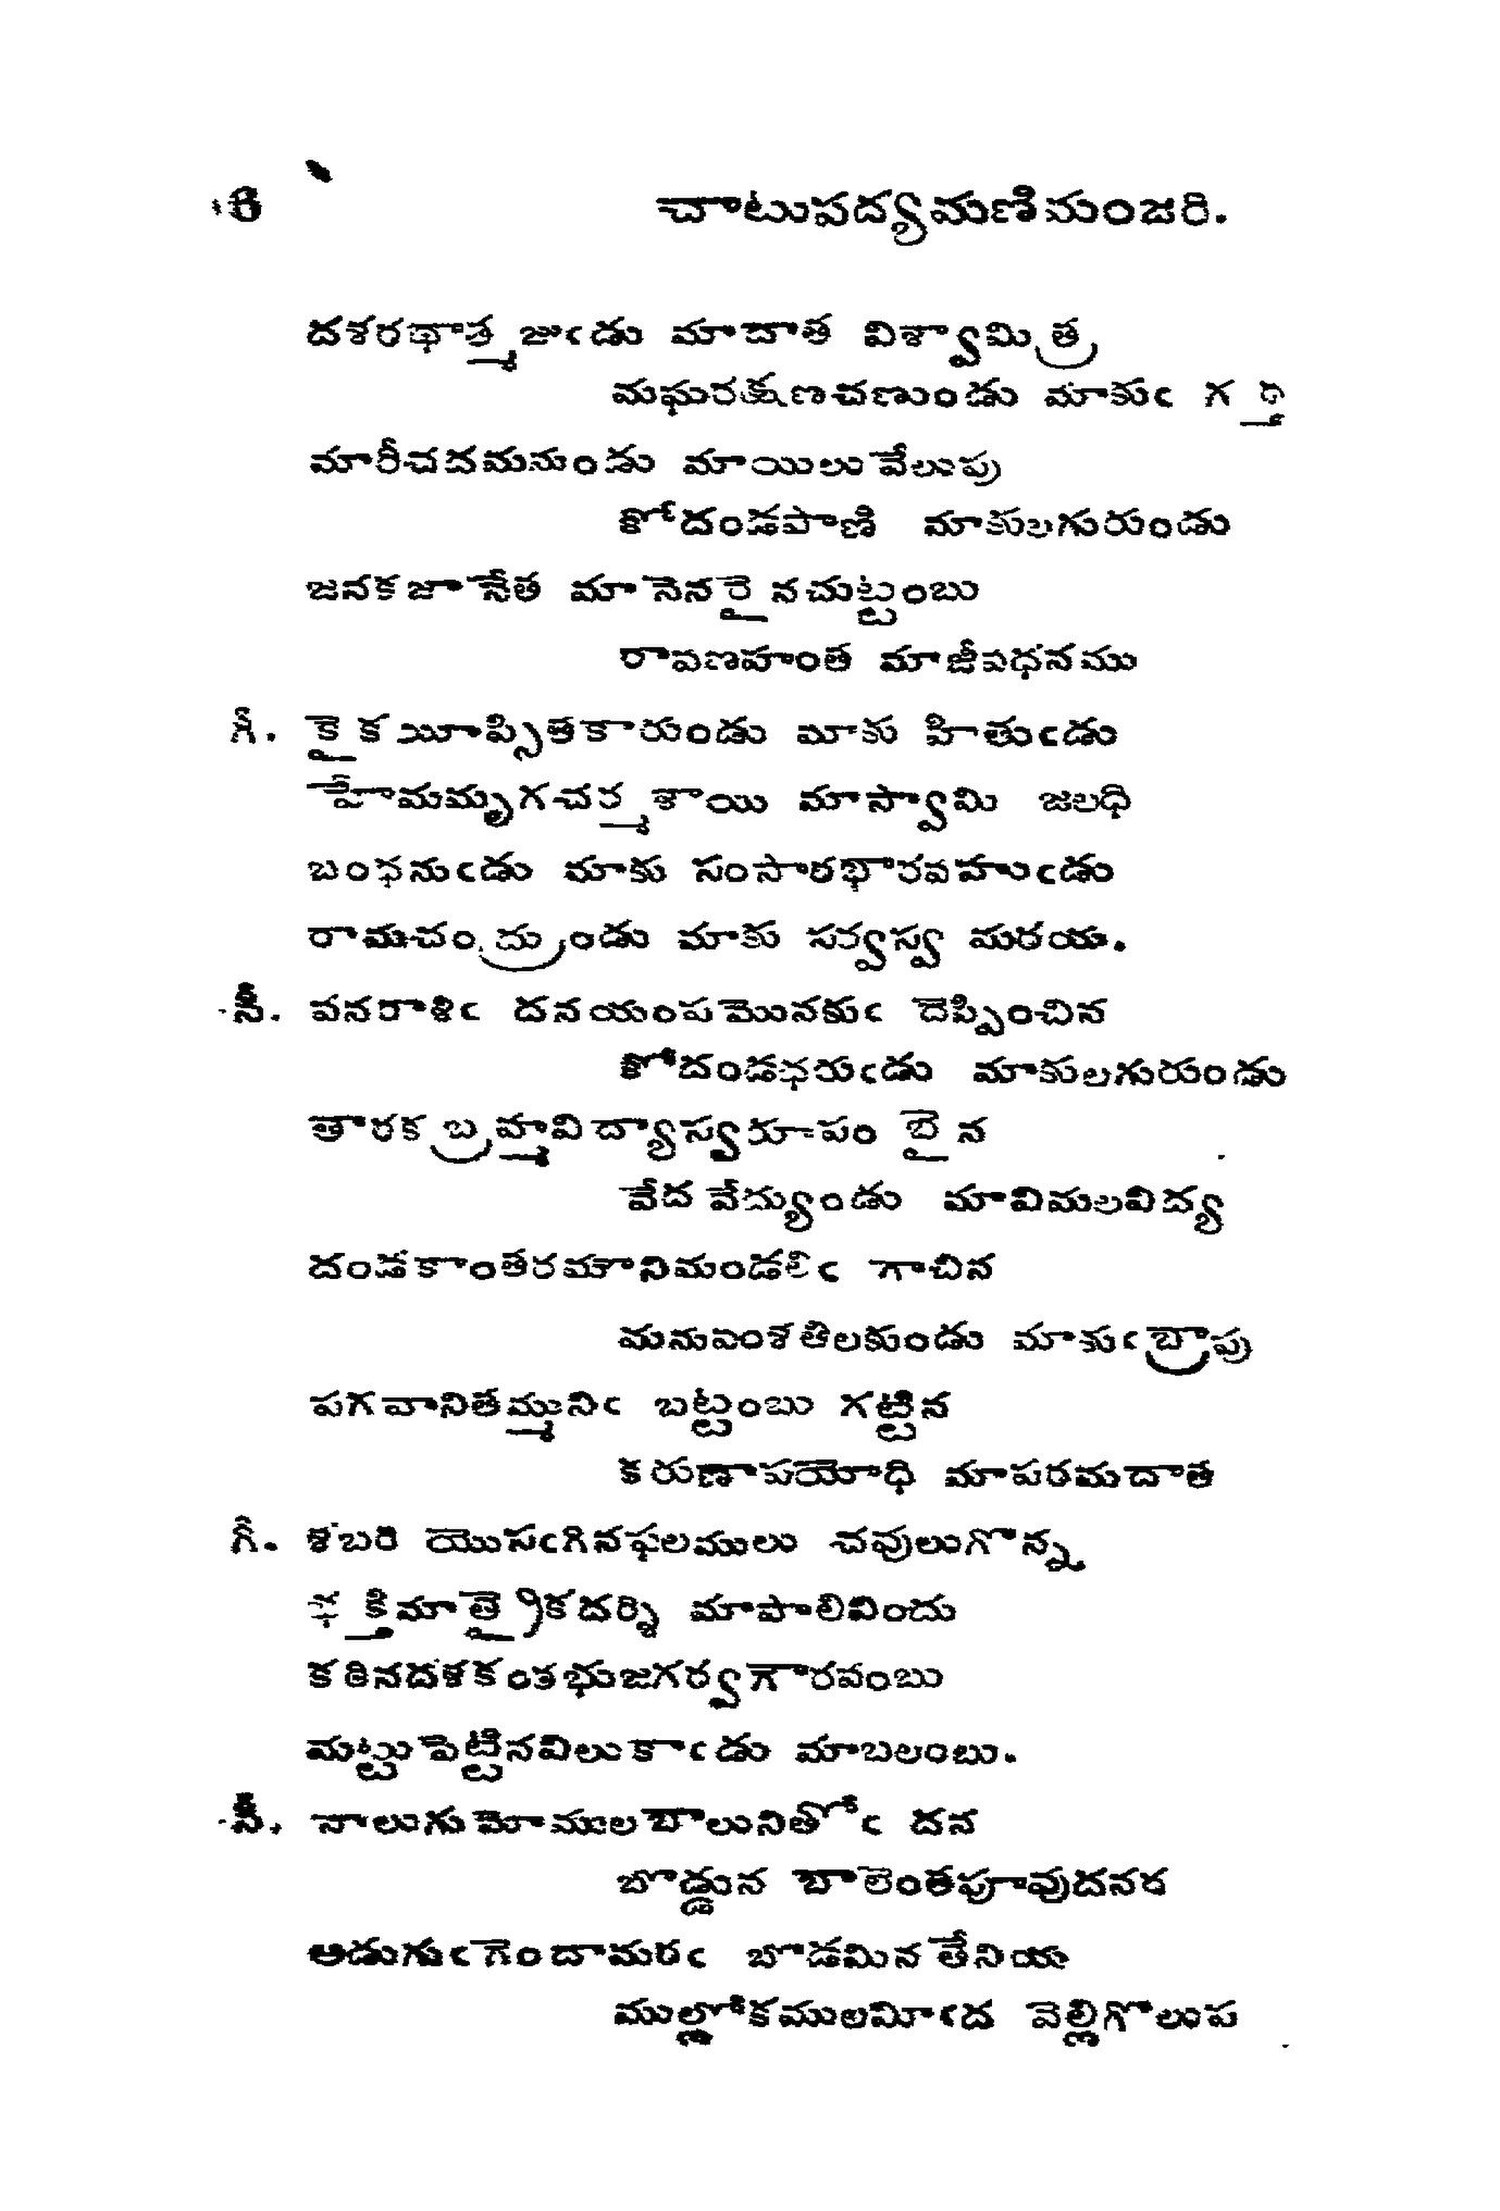దశరథాత్మజుఁడు మా దాత విశ్వామిత్ర
 మఘరక్షణచణుండు మాకుఁ గర
 మారీచదమనుండు మాయిలవేలుపు
 కోదండపాణి మాకులగురుండు
 జనకజానేత మా నెనరైనచుట్టంబు
 రావణహంత మా జీవధనము
గీ. కైక యీప్సితకారుండు మాకు హితుఁడు
 హేమమృగచర్మశాయి మా స్వామిజలధి
 బంధనుఁడు మాకు సంసారభారవహుఁడు
 రామచంద్రుండు మాకు సర్వస్వ మరయ.
సీ. వనరాశిఁ దనయంప మొనకుఁ దెప్పించిన
 కోదండధరుఁడు మా కులగురుండు
 తారకబ్రహ్మవిద్యాస్వరూపం బైన
 వేదవేద్యుండు మా విమలవిద్య
 దండకాంతరమౌని మండలిఁ గాచిన
 మనువంశతిలకుండు మాకుఁ బ్రాపు
 పగవాని తమ్మునిఁ బట్టంబు గట్టిన
 కరుణాపయోధి మా పరమదాత
గీ. శబరి యొసఁగిన ఫలములు చవులుగొన్న
 భక్తి మాత్రైకదర్శి మాపాలివిందు
 కఠినదశకంఠభుజగర్వగౌరవంబు
 మట్టు పెట్టిన విలుకాఁడు మా బలంబు.
సీ. నాలుగు మోములబాలునితోఁ దన
 బొడ్డున బాలెంతపూవు దనర
 అడుగుఁ గెందామరఁ బొడమినతేనియ
 ముల్లోకములమీఁద వెల్లిగొలుప